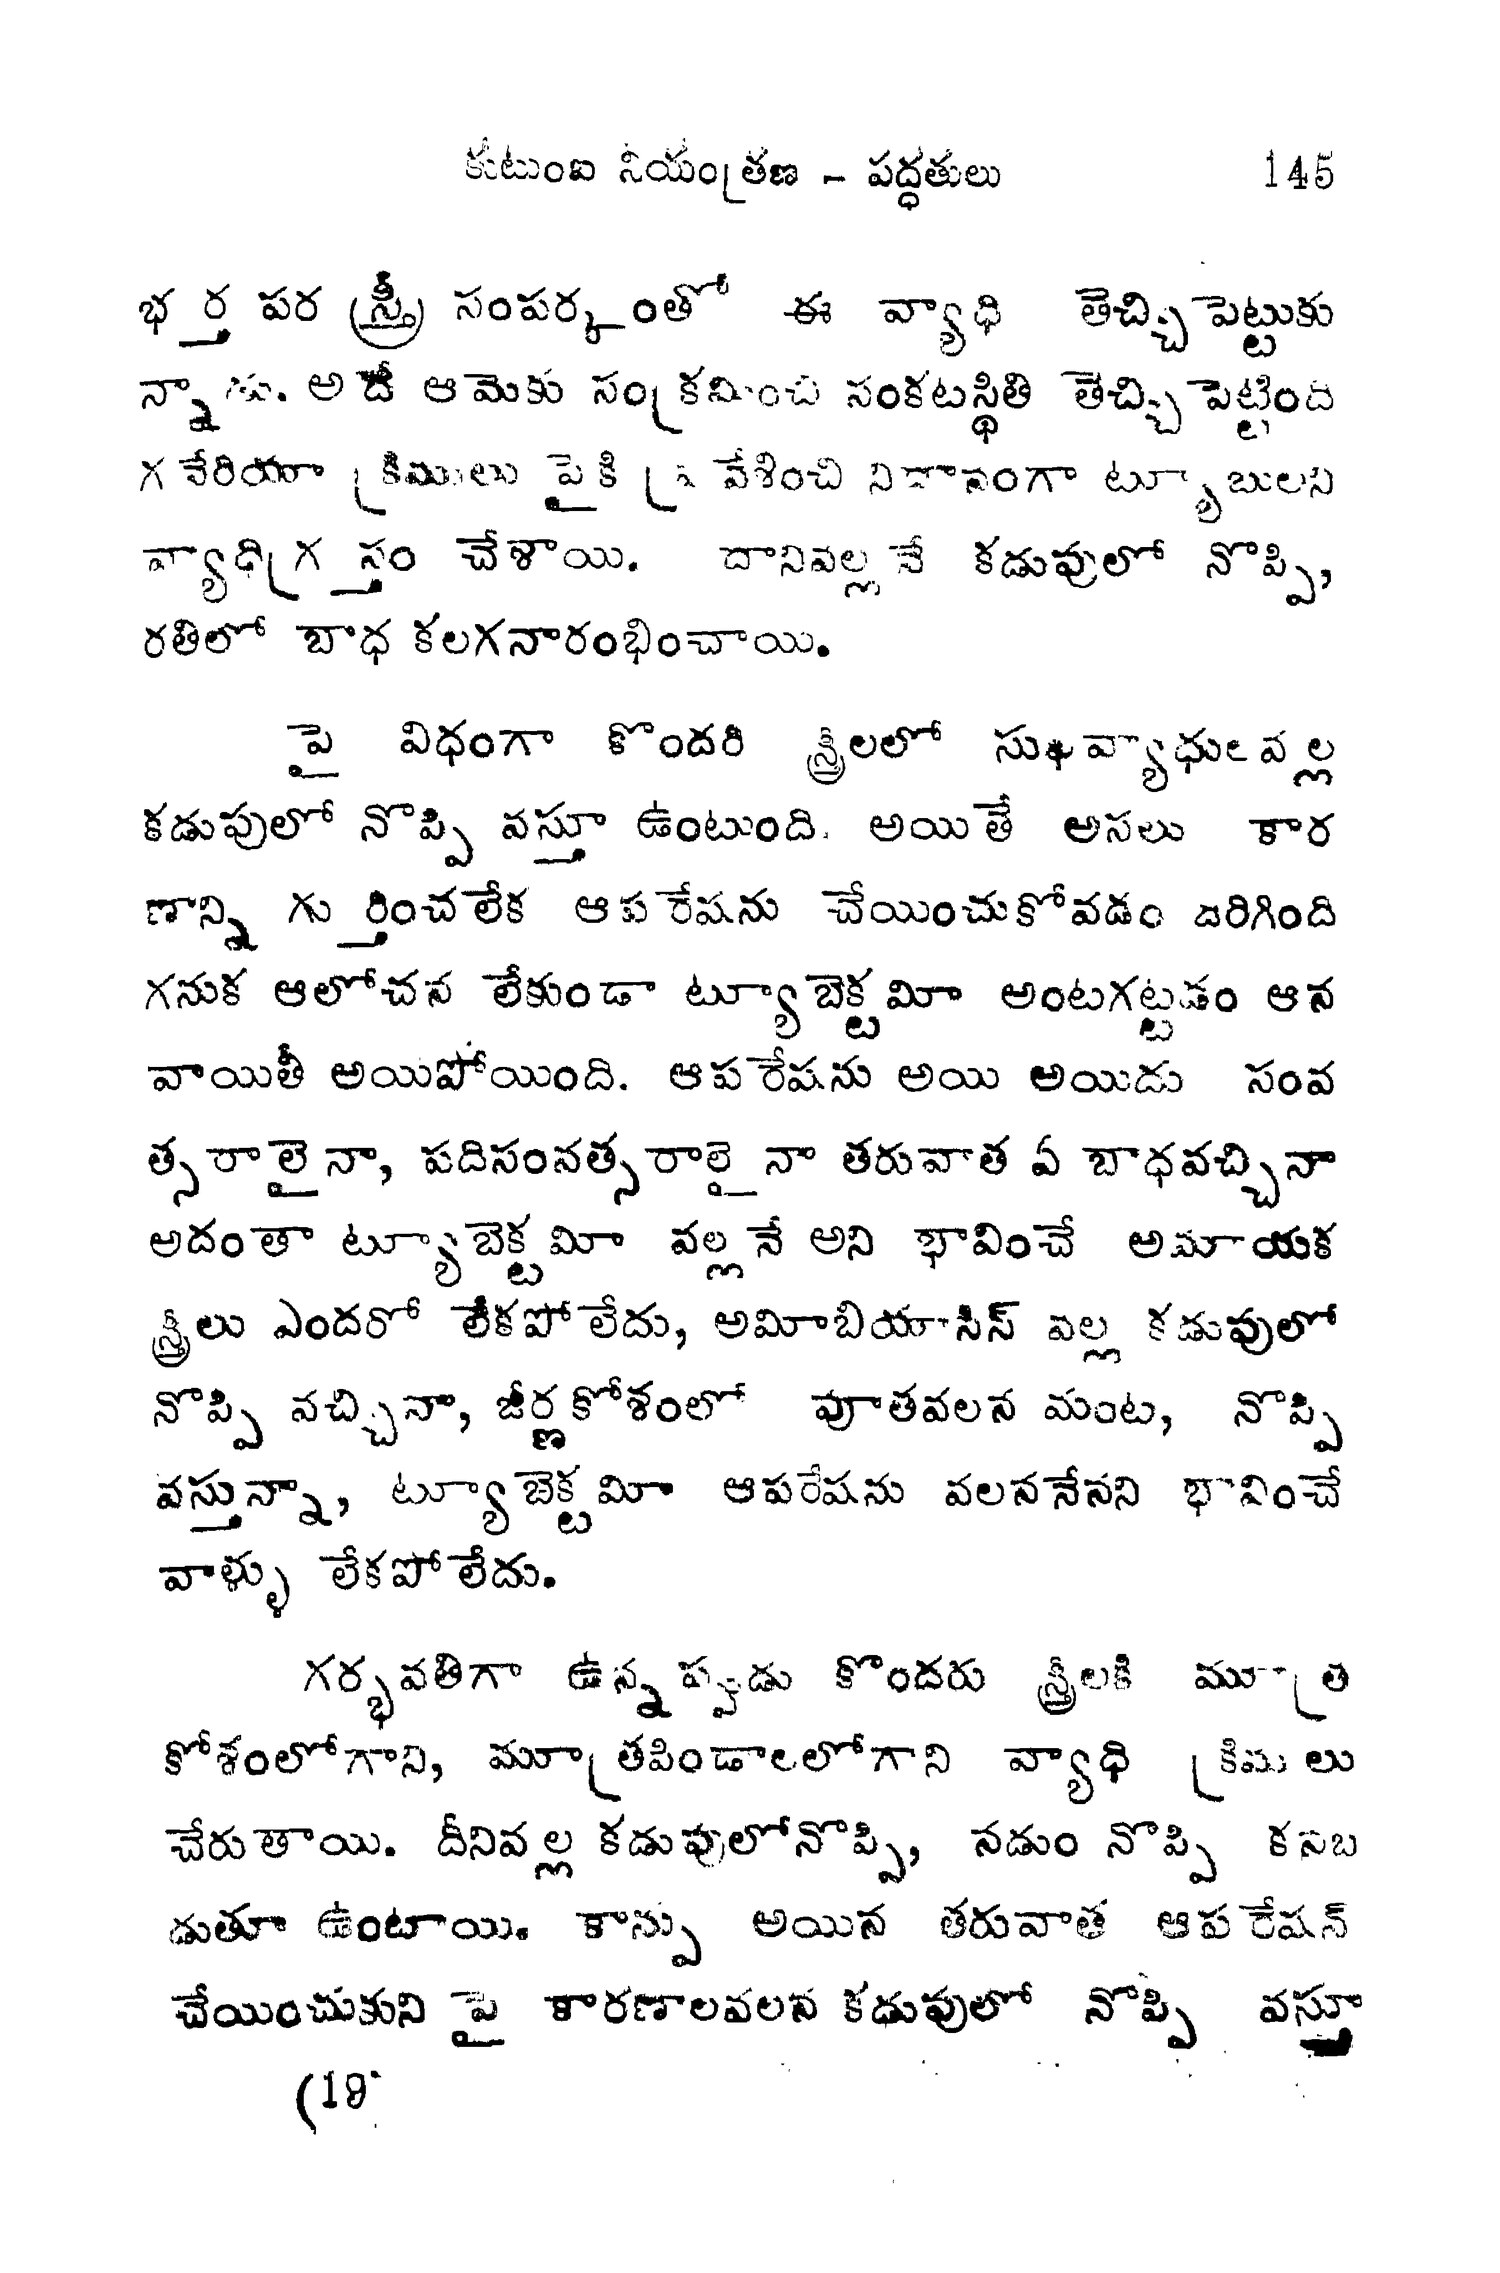భర్త ప్రర స్త్రీ సంపర్కంతో ఈ వ్యాధి తెచ్చిపట్టుకున్నాడు. అదే ఆమెకు సంక్రమించి సంకటస్థితి తెచ్చి పెట్టింది. గనేరియా క్రిములు పైకి ప్రవేశించి నిదానంగా ట్యూబులని వ్యాధిగ్రస్తం చేశాయి. దానివల్ల నే కడుపులో నొప్పి, రతిలో బాధ కలగనారంభించాయి.

పై విధంగా కొందరి స్రీలలో సుఖవ్యాధులవల్ల కడుపులో నొప్పి వస్తూ ఉంటుంది. అయితే అసలు కారణాన్ని గుర్తించలేక ఆపరేషను చేయించుకోవడం జరిగింది గనుక ఆలోచన లేకుండా ట్యూబెక్టమీ అంటగట్టడం ఆనవాయితీ అయిపోయింది. ఆపరేషను అయి అయిదు సంవత్సరాలైనా తరువాత ఏ బాధవచ్చినా అదంతా ట్యూబెక్టమీ వల్లనే అని భావించే అమాయక స్త్రీలు ఎందరో లేకపోలేదు, అమీబియాసిస్ వల్ల కడుపులో నొప్పి వచ్చినా, జీర్ణకోశంలో పూతవలన మంట, నొప్పి వస్తున్నా, ట్యూబెక్టమీ ఆపరేషను వలనేనని భావించే వాళ్ళు లేకపోలేదు.

గర్భవతిగా ఉన్నప్పుడు కొందరు స్త్రీలకి మూత్ర కోశంలోగాని, మూత్రపిండాలలోగాని వ్యాధి క్రిములు చేరుతాయి. దీనివల్ల కడుపులోనొప్పి, నడుం నొప్పి కనబడుతూ ఉంటాయి. కాన్పు అయిన తరువాత ఆపరేషన్ చేయించుకుని పై కారణాలవలన కడుపులో నొప్పి వస్తూ